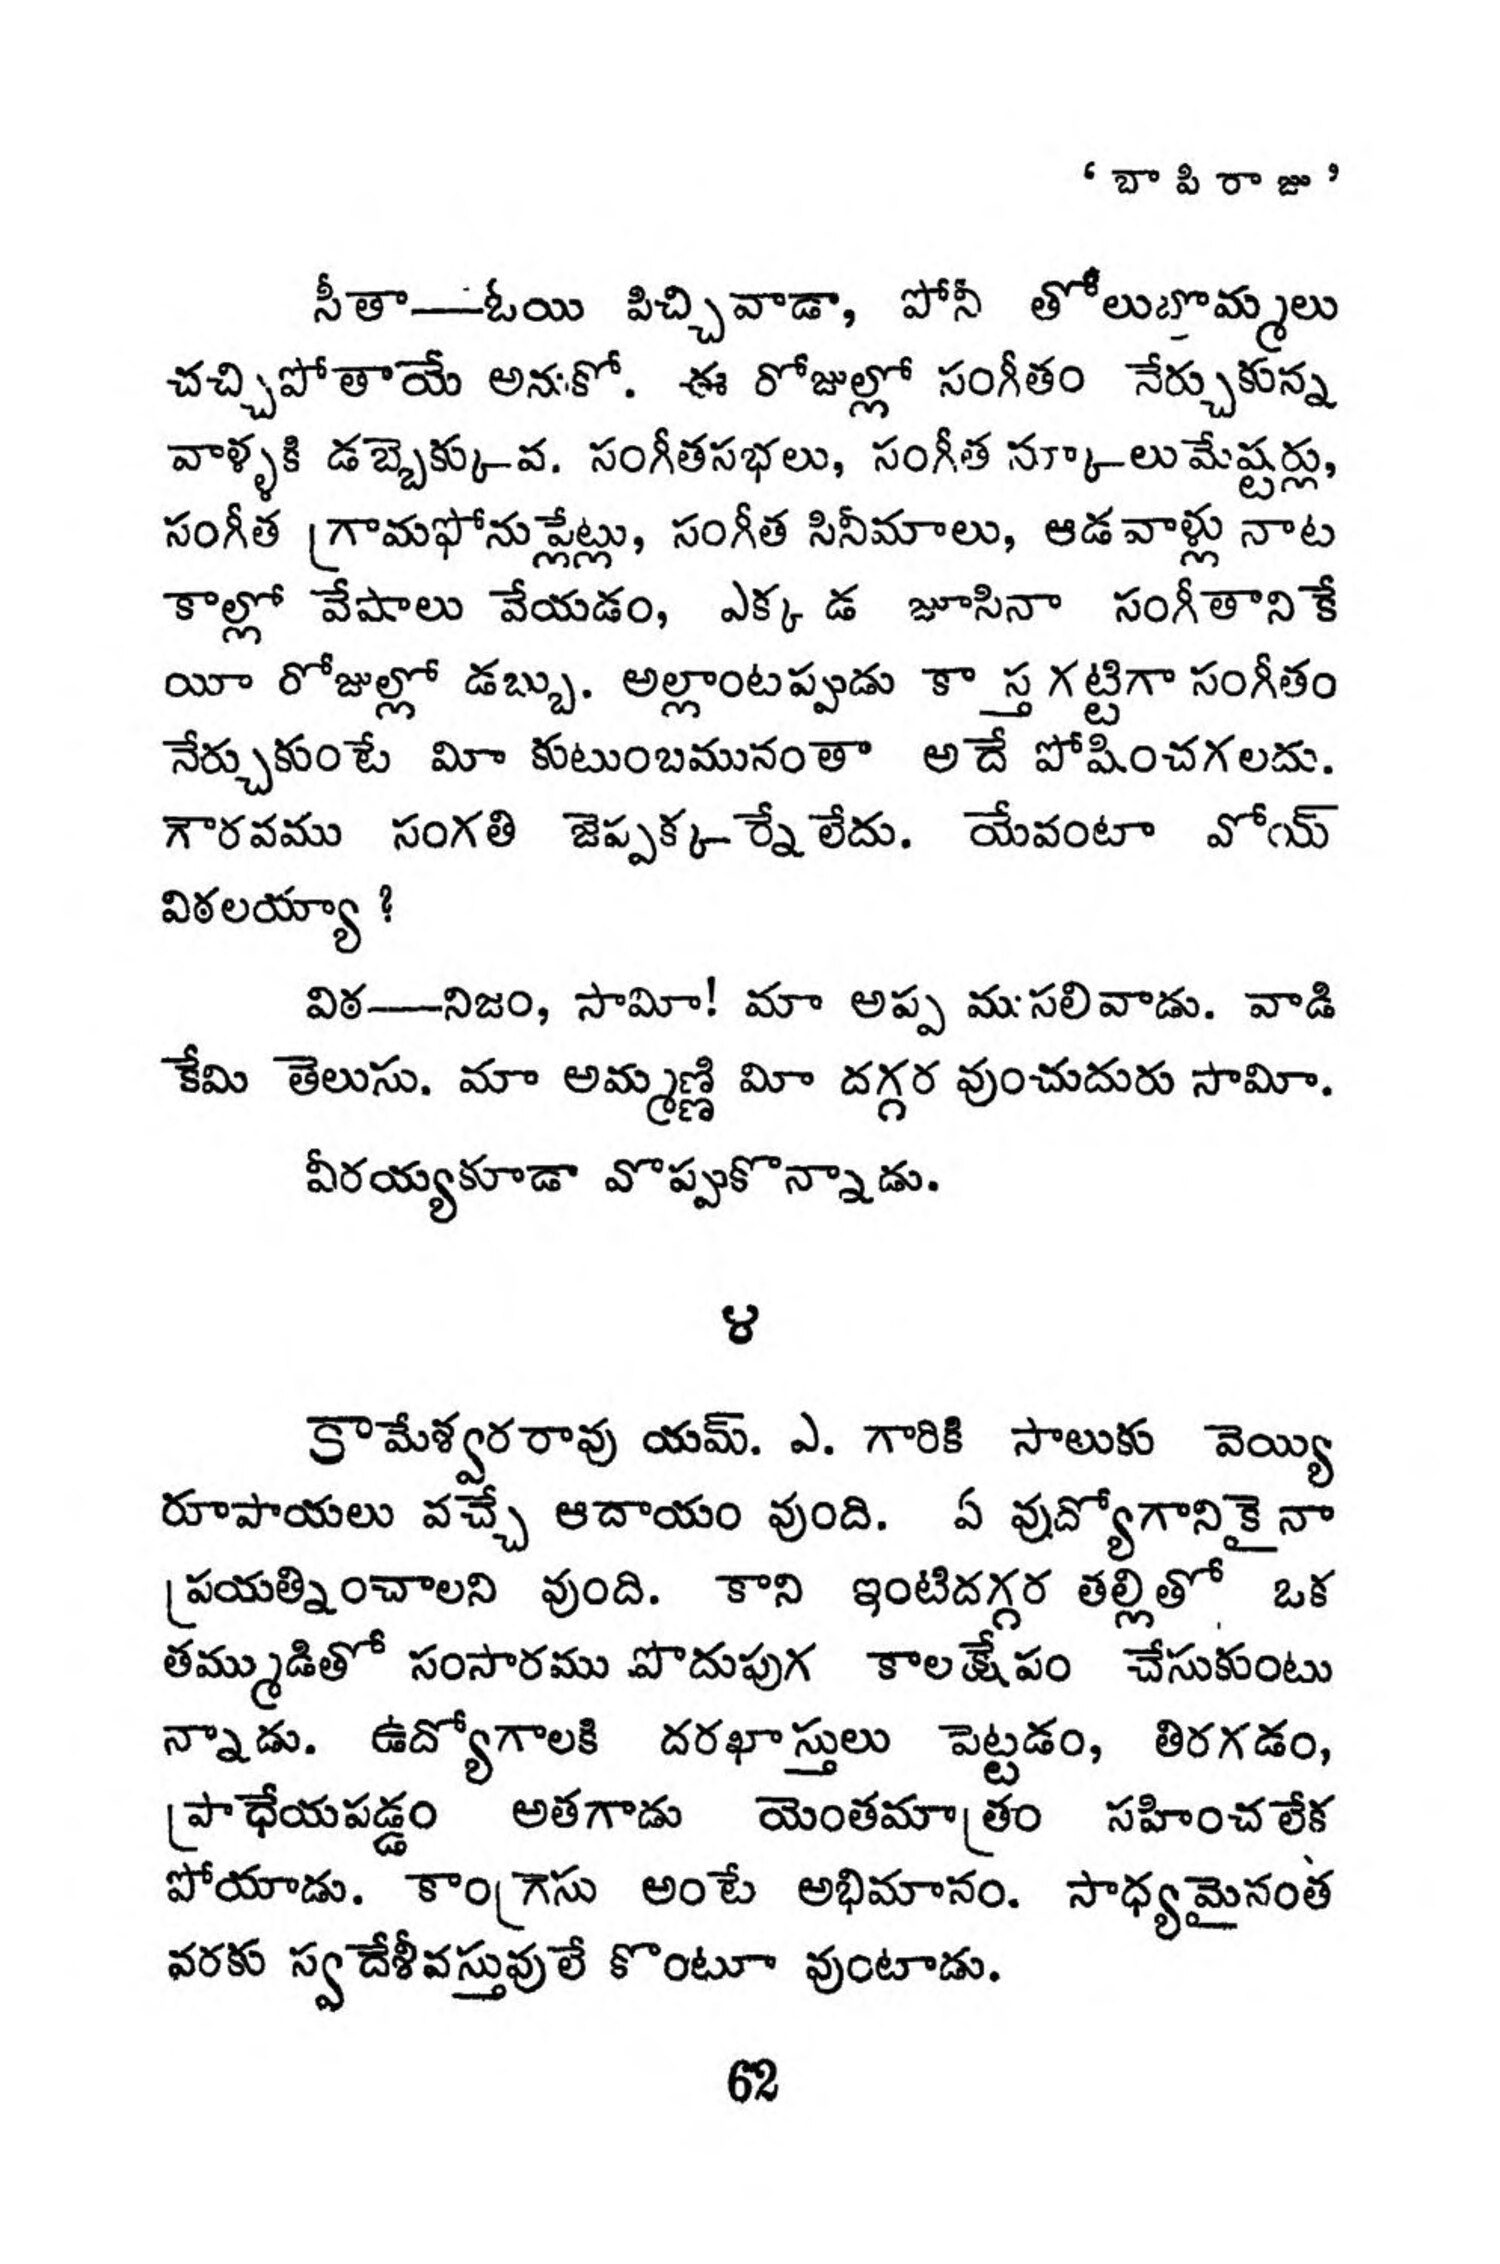సీతా -- ఓయి పిచ్చివాడా, పోనీ తోలుబొమ్మలు చచ్చిపోతాయే అనుకో. ఈ రోజుల్లో సంగీతం నేర్చుకున్న వాళ్ళకి డబ్బెక్కువ. సంగీతసభలు, సంగీత స్కూలుమేష్టర్లు, సంగీత గ్రామఫోనుప్లేట్లు, సంగీత సినీమాలు, ఆడవాళ్లు నాటకాల్లో వేషాలు వేయడం, ఎక్కడ జూసినా సంగీతానికే యీ రోజుల్లో డబ్బు. అల్లాంటప్పుడు కాస్త గట్టిగా సంగీతం నేర్చుకుంటే మీ కుటుంబమునంతా అదే పోషించగలదు. గౌరవము సంగతి జెప్పక్కర్నేలేదు. యేవంటా వోయ్ విఠలయ్యా ?

విఠ -- నిజం, సామీ ! మా అప్ప ముసలివాడు. వాడి కేమి తెలుసు. మా అమ్మణ్ణి మీ దగ్గర వుంచుదురు సామీ.

వీరయ్యకూడా వొప్పుకున్నాడు.

4
కామేశ్వరరావు యమ్. ఎ. గారికి సాలుకు వెయ్యి రూపాయలు వచ్చే ఆదాయం వుంది. ఏ వుద్యోగానికైనా ప్రయత్నించాలని వుంది. కాని ఇంటిదగ్గర తల్లితో ఒక తమ్ముడితో సంసారము పొదుపుగ కాలక్షేపం చేసుకుంటున్నాడు. ఉద్యోగాలకి దరఖాస్తులు పెట్టడం, తిరగడం, ప్రాధేయపడ్డం అతగాడు యెంతమాత్రం సహించలేక పోయాడు. కాంగ్రెసు అంటే అభిమానం. సాధ్యమైనంత వరకు స్వదేశీవస్తువులే కొంటూ వుంటాడు.